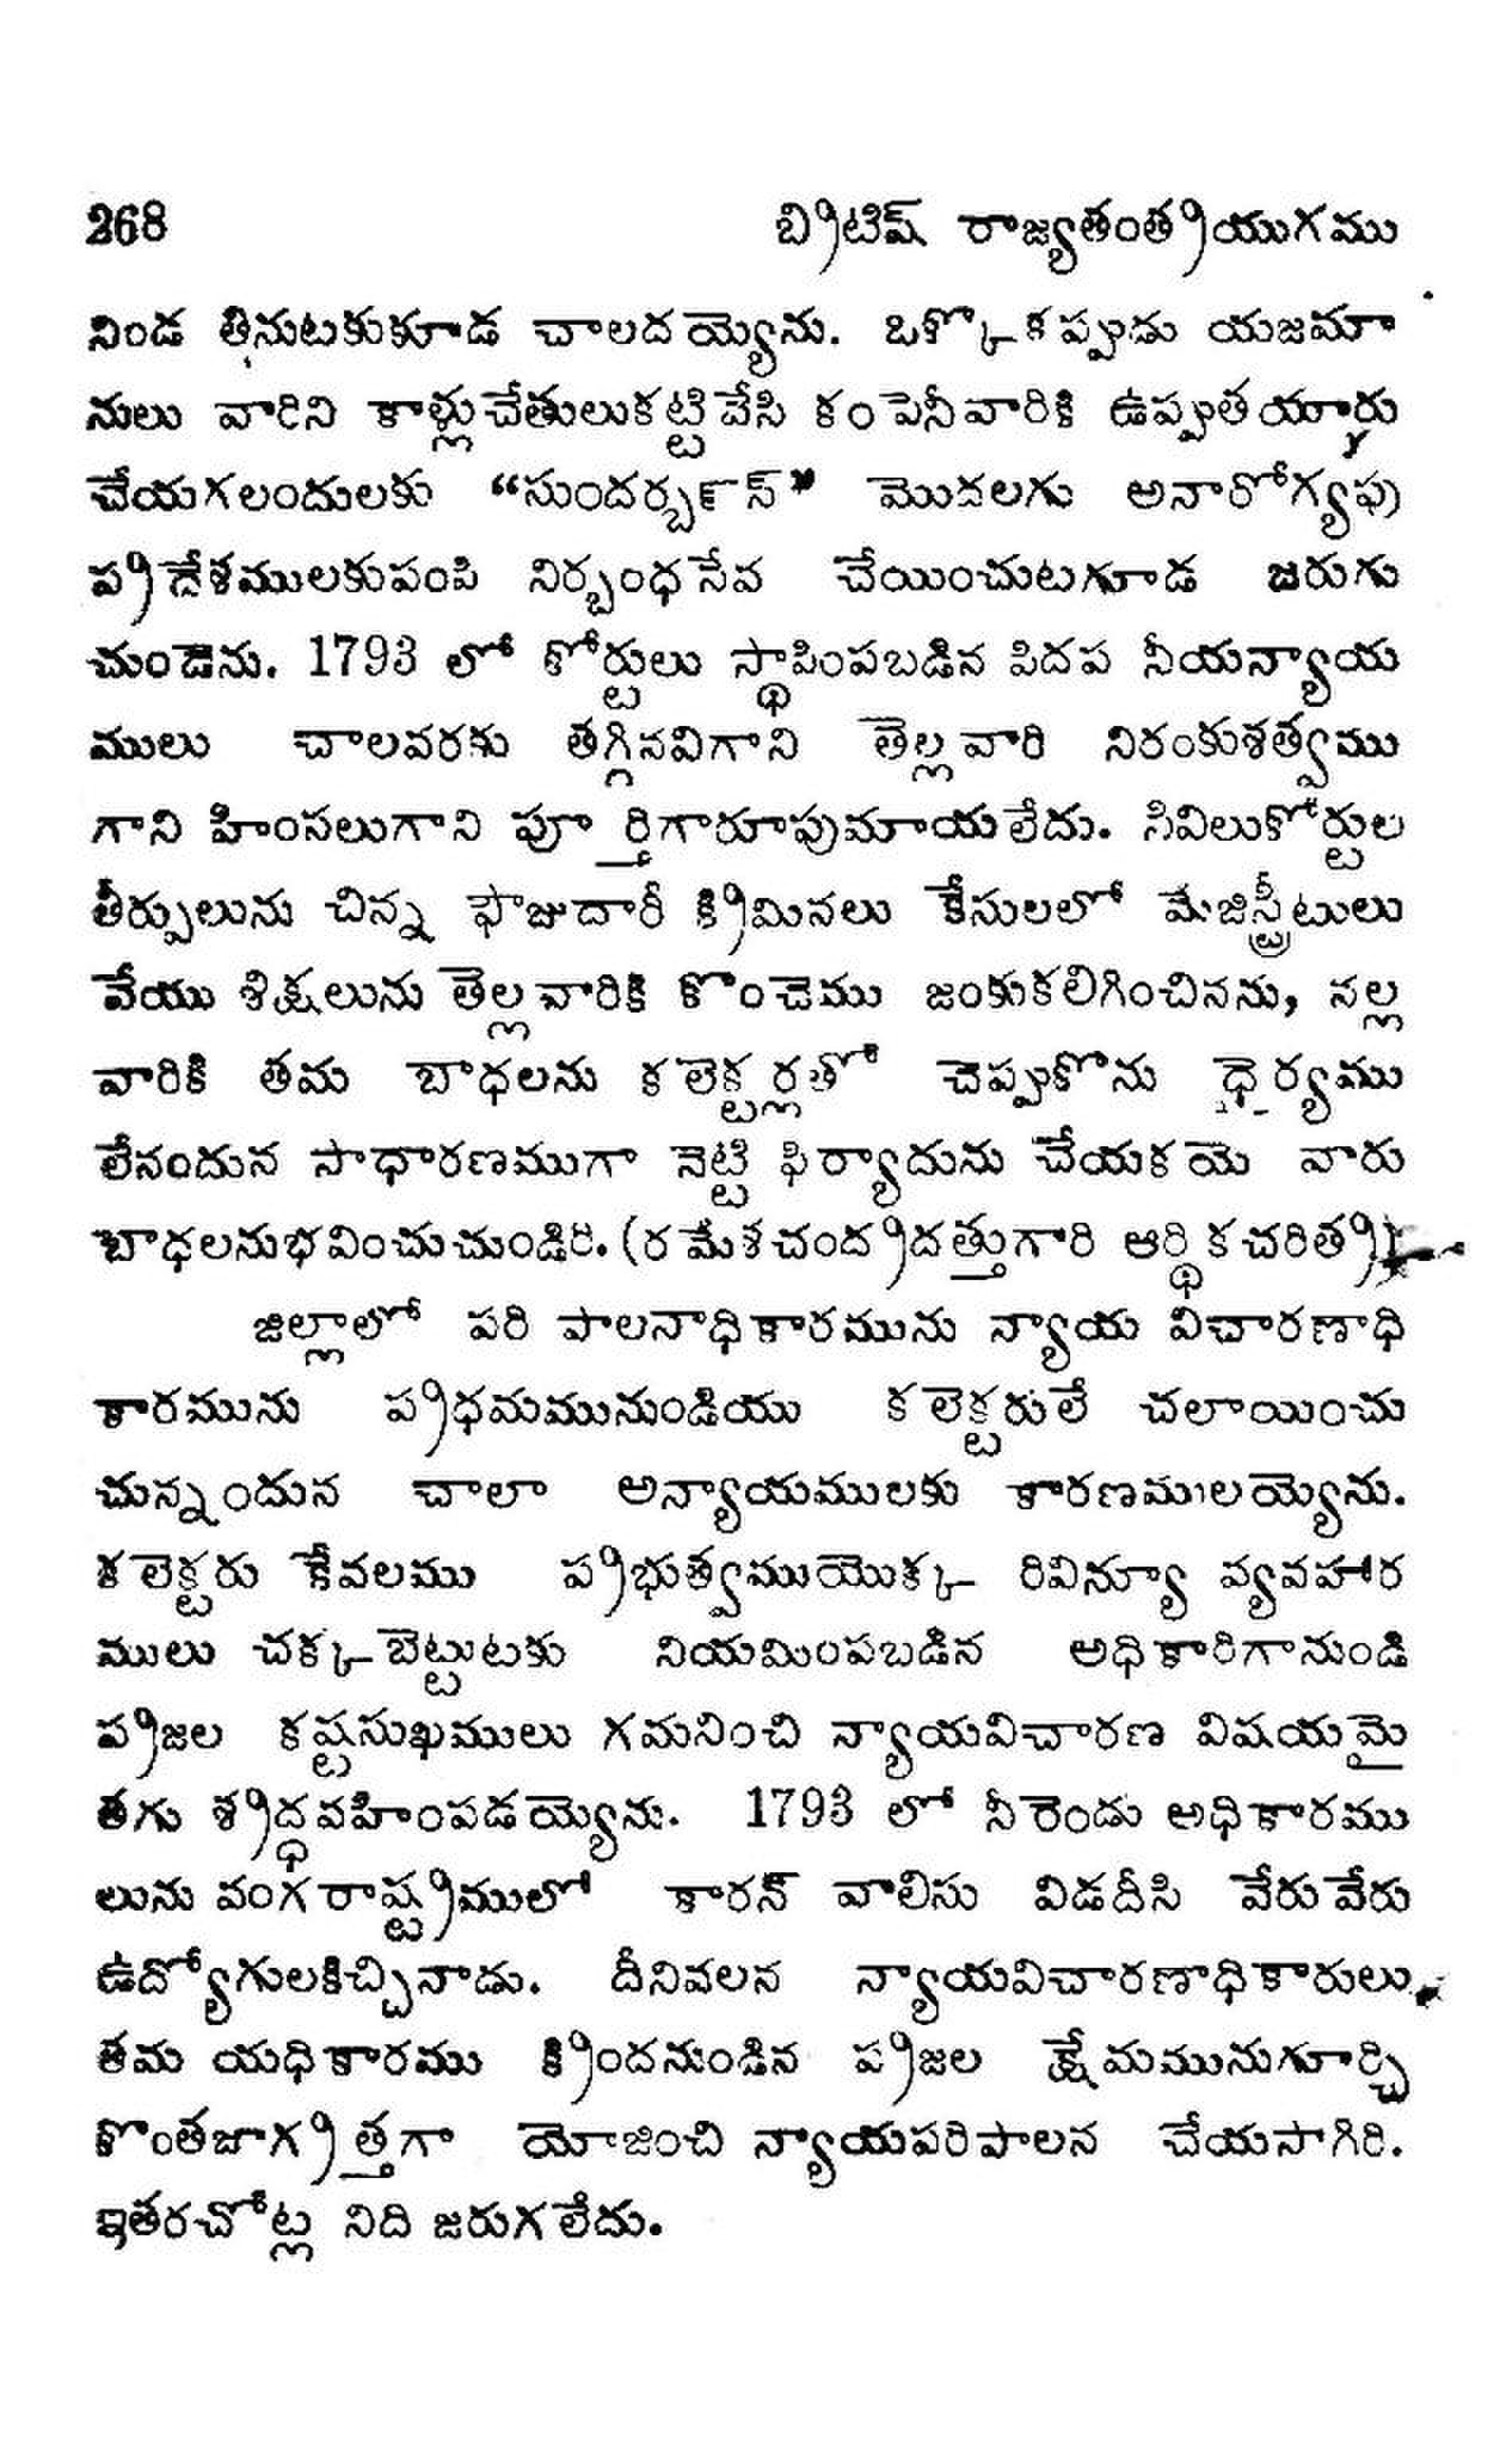నిండ తినుటకుకూడ చాలదయ్యెను. ఒక్కొకప్పుడు యజమానులు వారిని కాళ్లుచేతులుకట్టివేసి కంపెనీవారికి ఉప్పుతయారు చేయగలందులకు “సుందర్భ౯న్” మొదలగు అనారోగ్యపు ప్రదేశములకుపంపి నిర్బంధసేవ చేయించుటగూడ జరుగుచుండెను. 1793 లో కోర్టులు స్థాపింపబడిన పిదప నీయన్యాయములు చాలవరకు తగ్గినవిగాని తెల్లవారి నిరంకుశత్వముగాని హింసలుగాని పూర్తిగారూపుమాయలేదు. సివిలుకోర్టుల తీర్పులును చిన్న ఫౌజుదారీ క్రిమినలు కేసులలో మేజిస్ట్రీటులు వేయు శిక్షలును తెల్లవారికి కొంచెము జంకుకలిగించినను, నల్లవారికి తమ బాధలను కలెక్టర్లతో చెప్పుకొను ధైర్యము లేనందున సాధారణముగా నెట్టి ఫిర్యాదును చేయకయె వారు బాధలనుభవించుచుండిరి. (రమేశచంద్రదత్తుగారి ఆర్థికచరిత్ర.)

జిల్లాలో పరి పాలనాధికారమును న్యాయ విచారణాధికారమును ప్రధమమునుండియు కలెక్టరులే చలాయించు చున్నందున చాలా అన్యాయములకు కారణములయ్యెను. కలెక్టరు కేవలము ప్రభుత్వము యొక్క రివిన్యూ వ్యవహారములు చక్కబెట్టుటకు నియమింపబడిన అధికారిగా నుండి ప్రజల కష్టసుఖములు గమనించి న్యాయవిచారణ విషయమై తగు శ్రద్దవహింపడయ్యెను. 1793 లో నీరెండు అధికారములును వంగరాష్ట్రములో కారన్ వాలిసు విడదీసి వేరు వేరు ఉద్యోగులకిచ్చినాడు. దీనివలన న్యాయవిచారణాధికారులు, తమ యధికారము క్రిందనుండిన ప్రజల క్షేమమునుగూర్చి కొంతజాగ్రత్తగా యోజించి న్యాయపరిపాలన చేయసాగిరి. ఇతరచోట్ల నిది జరుగలేదు.